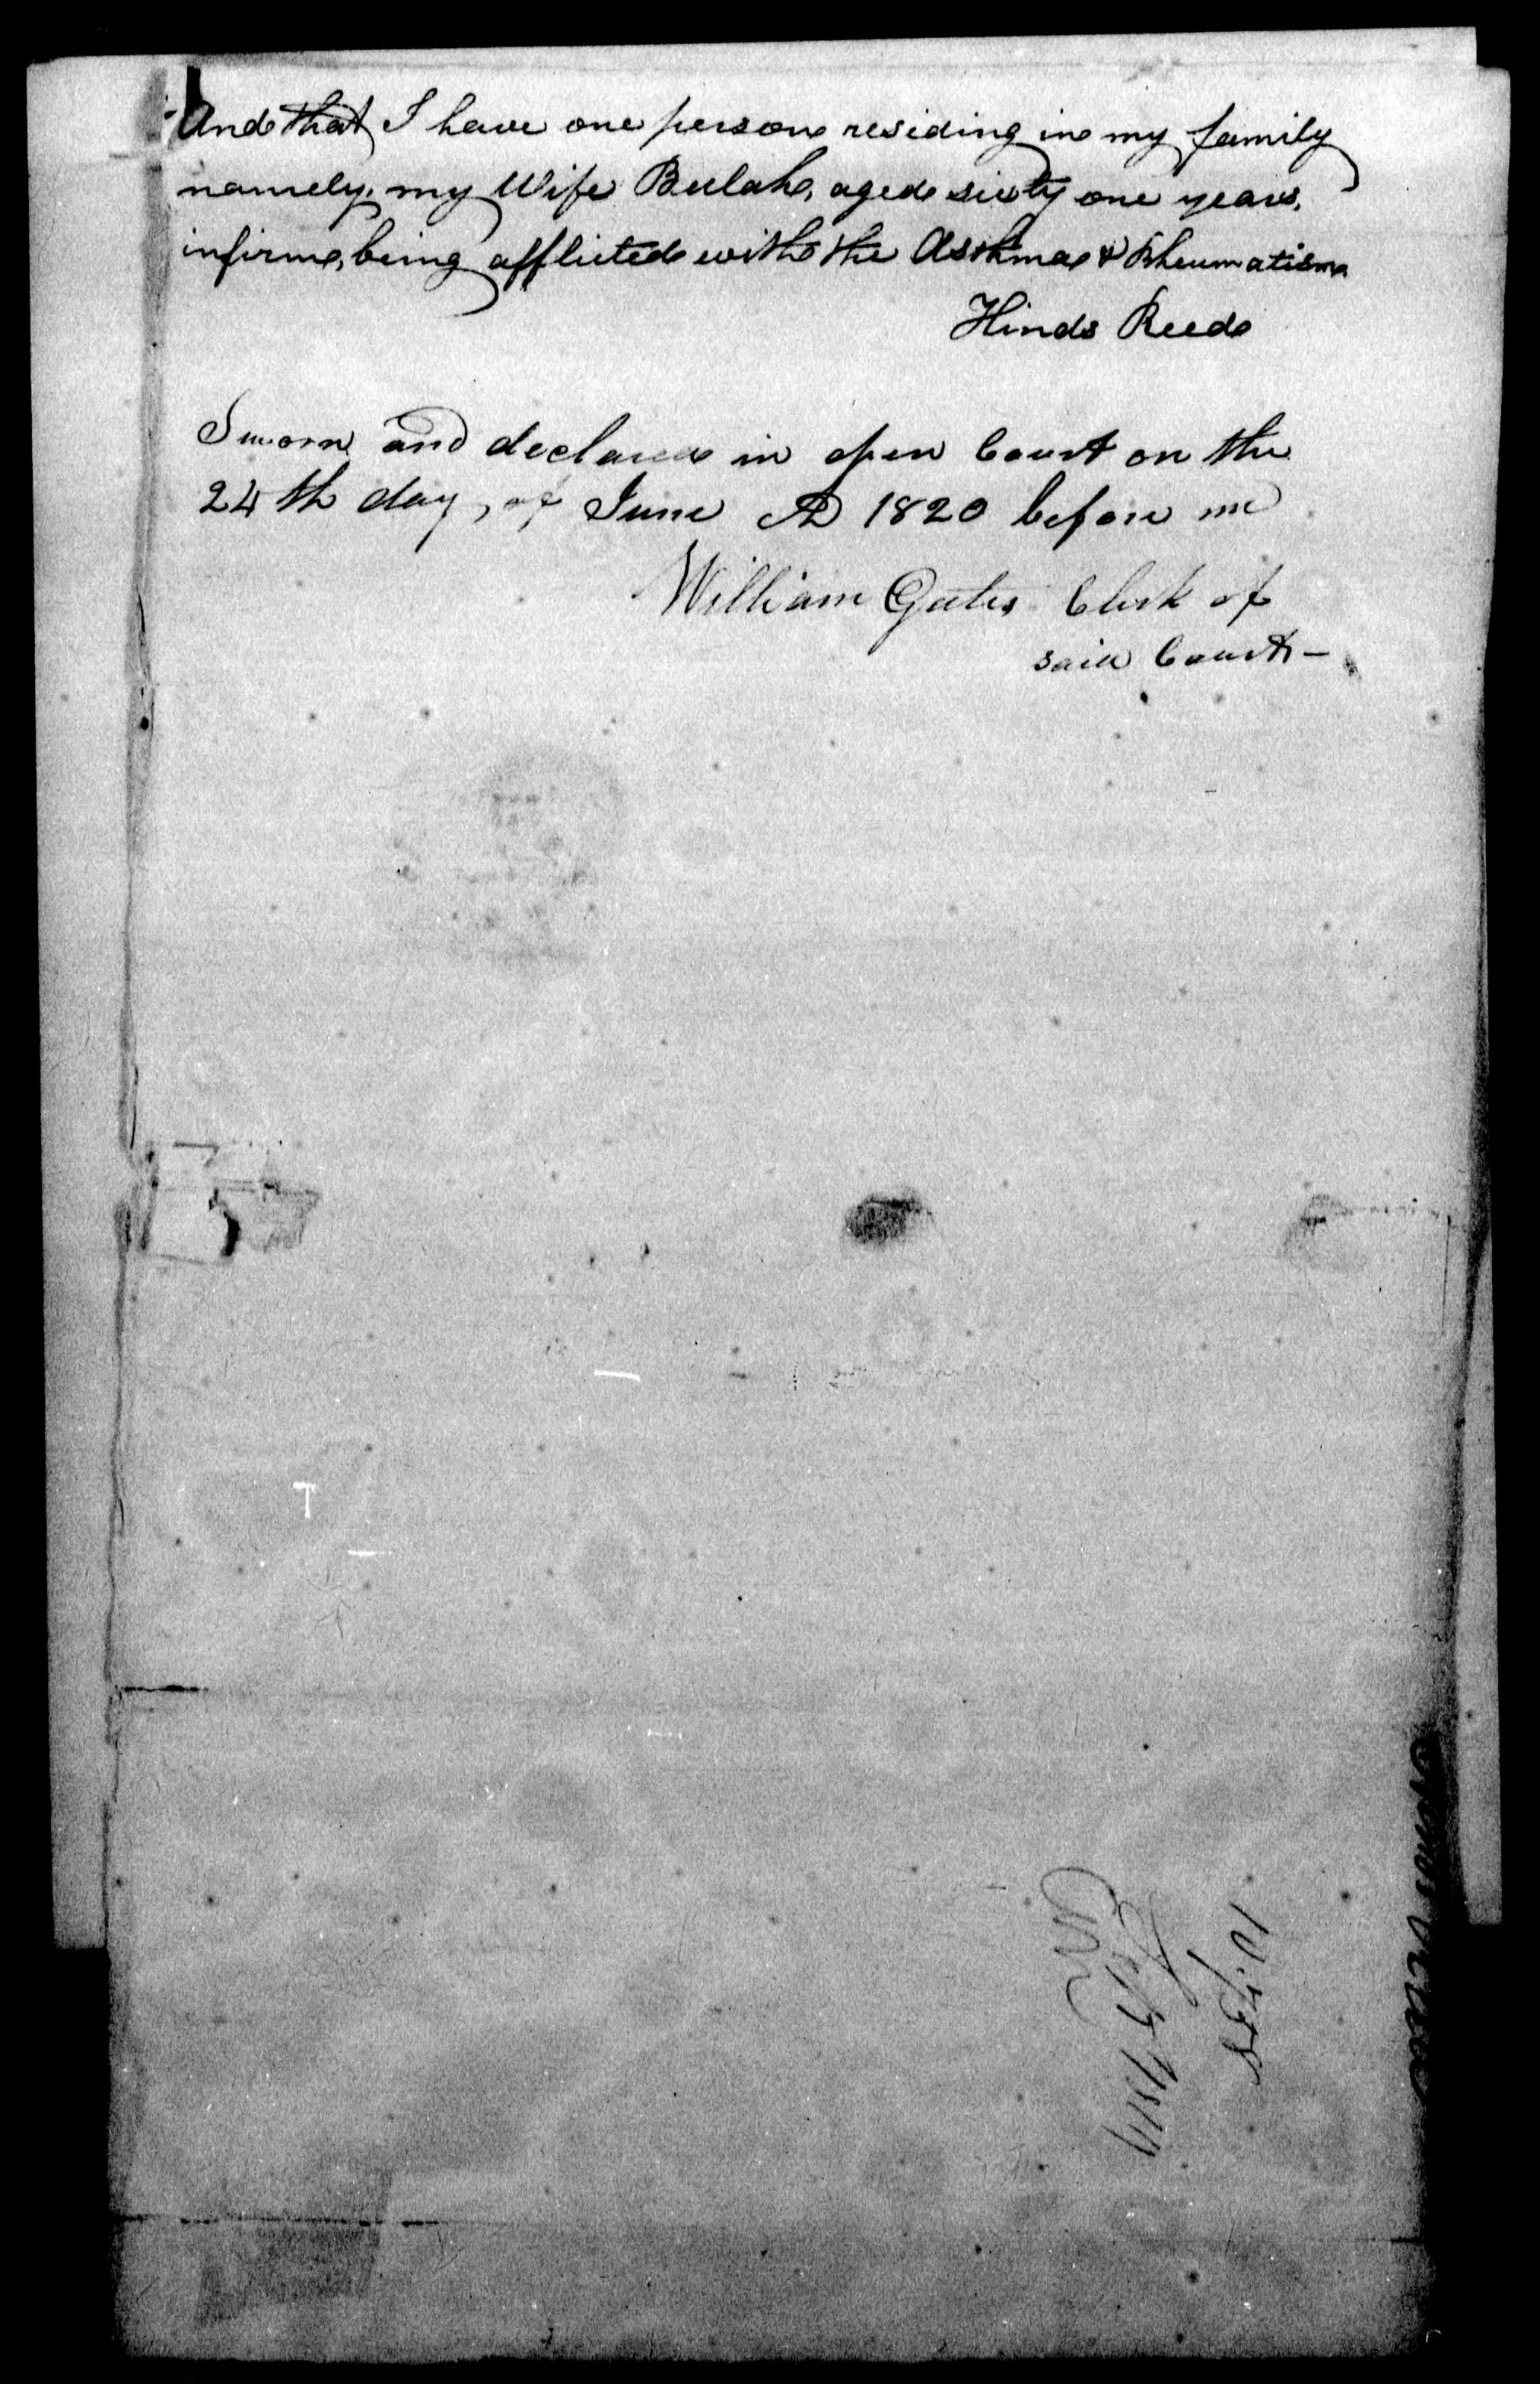And that I have one person residing in my family namely, my wife Bulah, aged sixty one years. infirmed, being afflicted with the Askmas & Rheumatism
[signature] Hinds Reed
Sworn and declared in open court on the 24th day of June AD 1820 before me
William Gates Clerk of said court.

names: Bulah [BLANK]; Hinds Reed; William Gates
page: 8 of 19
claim: survivor's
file: S 41975, for Hinds Reed, New Hampshire